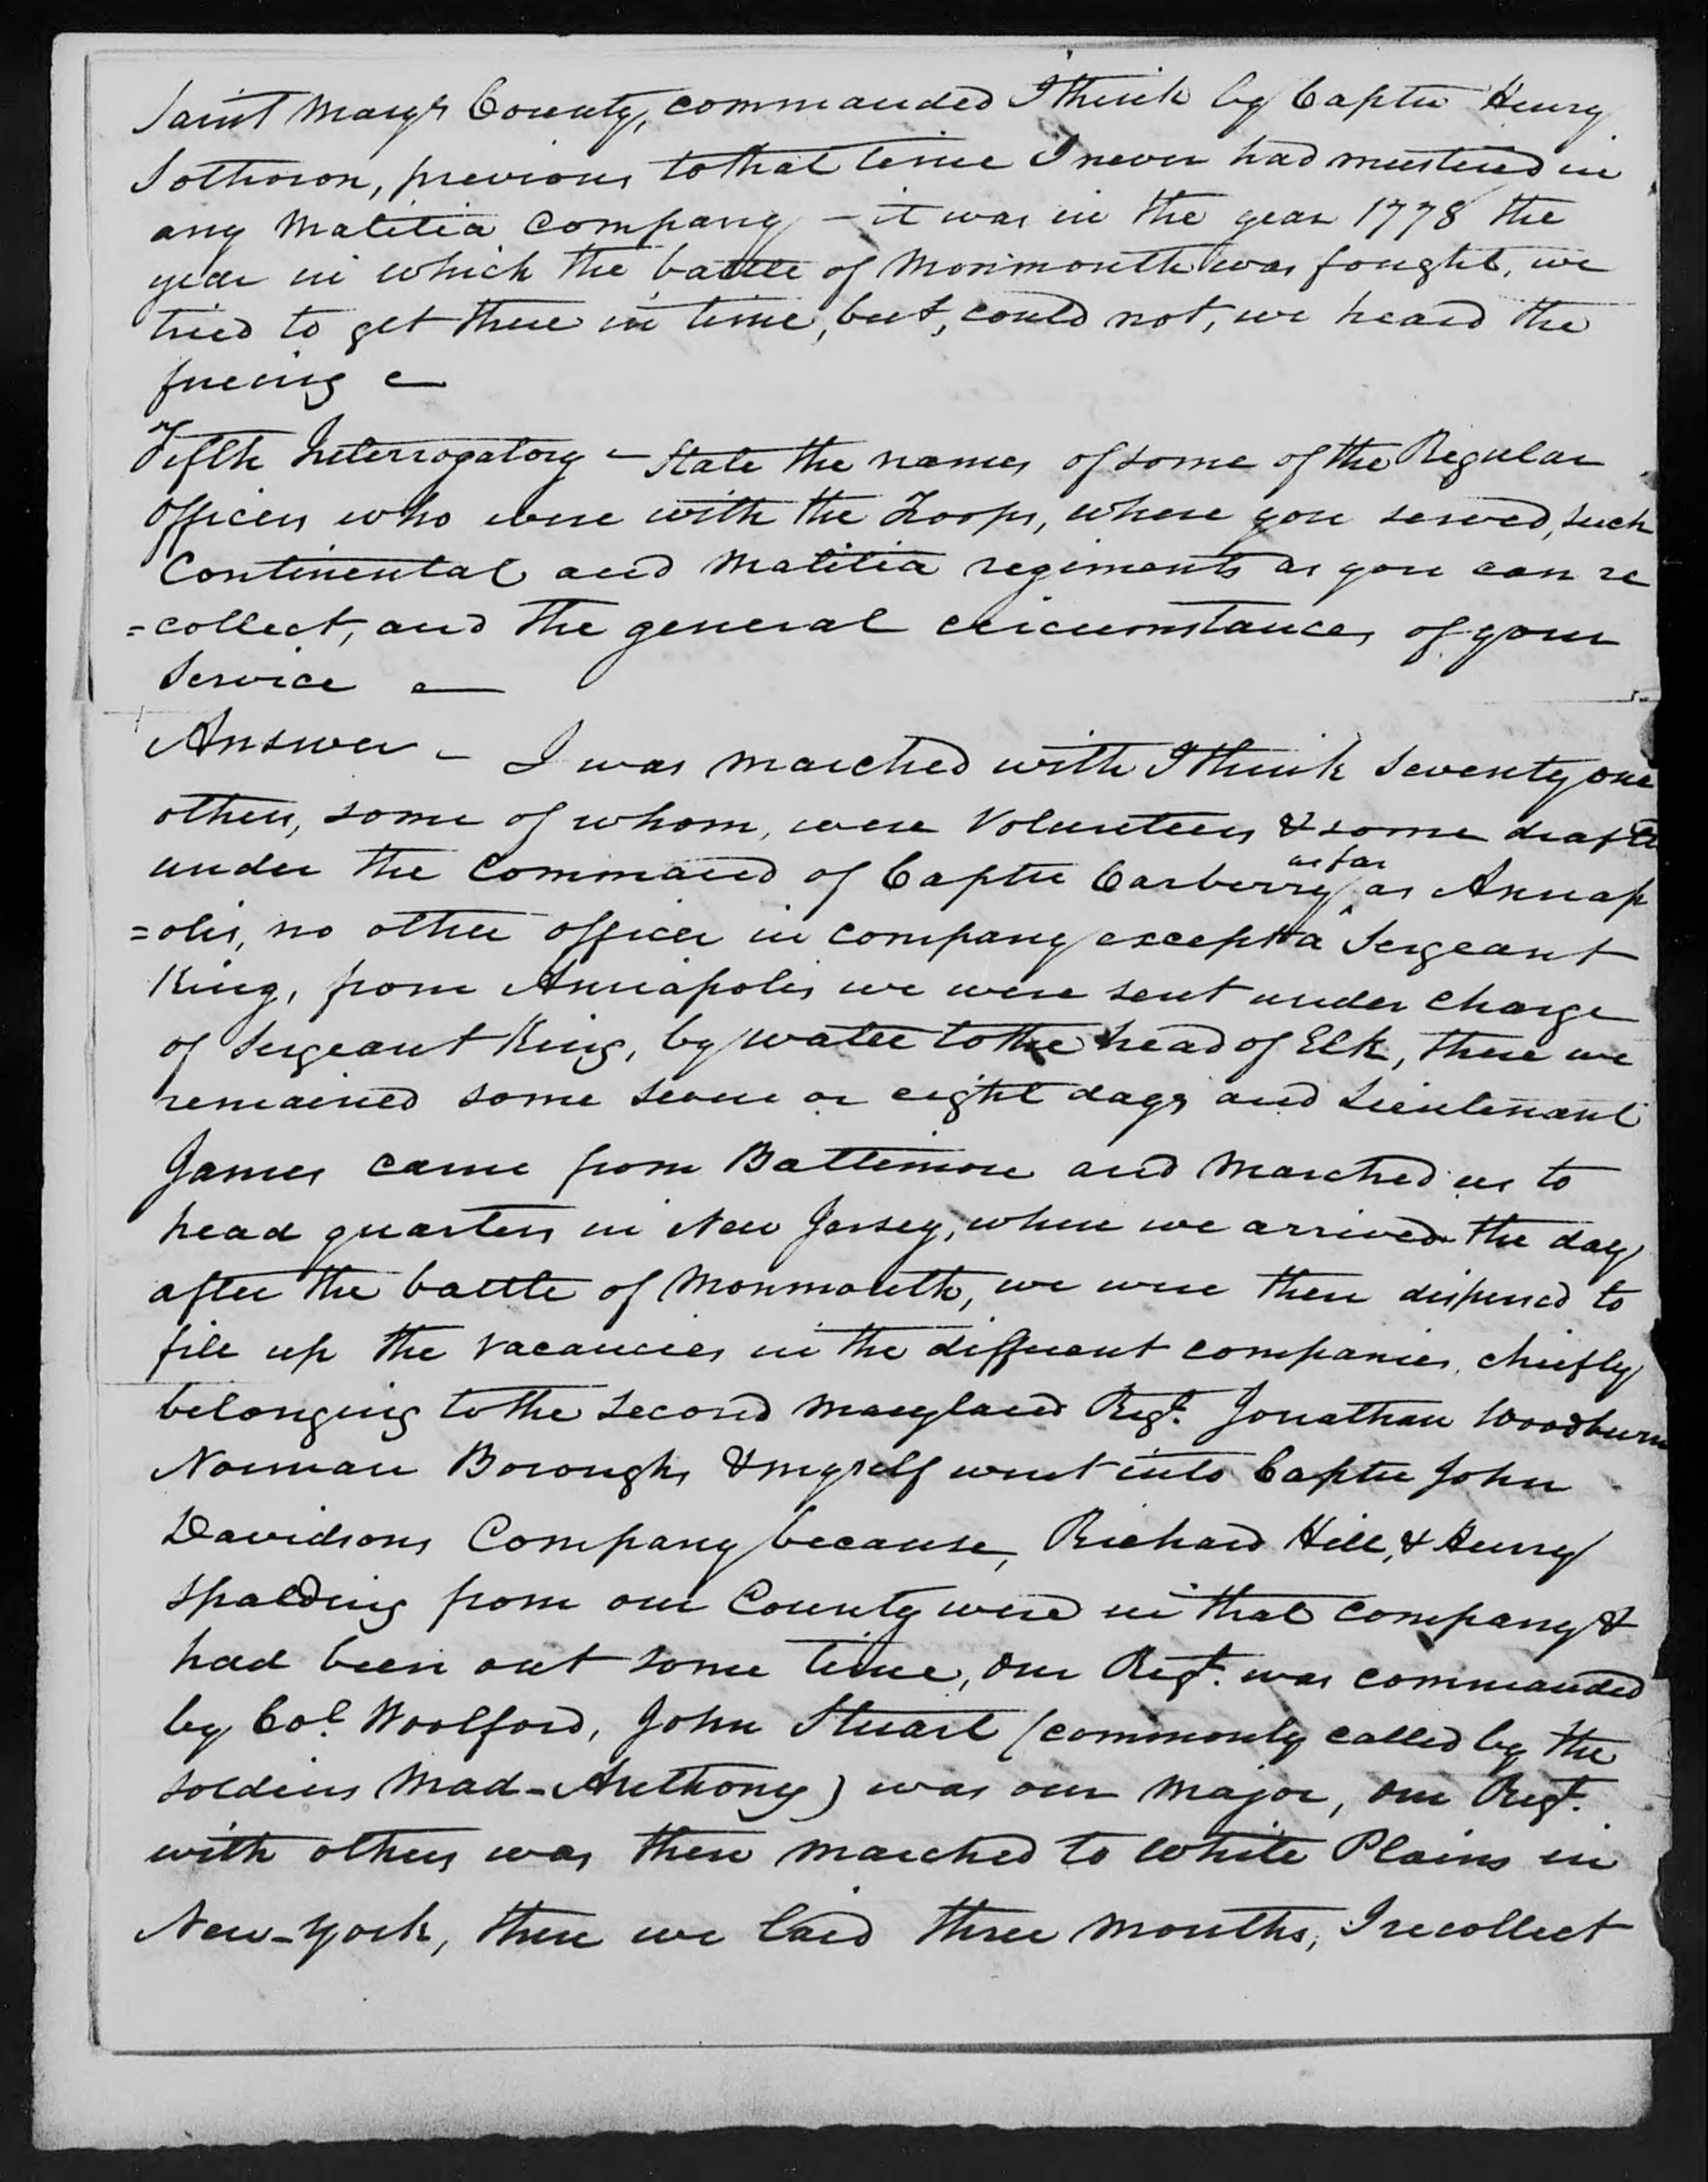Saint Marys County, commanded I think by Captn Henry Sothoron, previous to that time I never had mustered in any malitia company - it was in the year 1778 the year in which the battle of Monmouth was fought, we tried to get there in time, but, could not, we heard the fireing-
Fifth Interrogatory - State the names of some of the Regular officers who were with the Troops, where you served, such Continental and malitia regiments as you can recollect, and the general circumstances of your service - 
Answer - I was marched with I think seventy one others, some of whom, were volunteers, & some drafted under the command of Captn Carberry [inserted next 2 words] as far as Annapolis, no other officer in company except a Sergeant King, from Annapolis we were sent under charge of Sergeant King, by water to the head of Elk, there we remained some seven or eight days and Lieutenant James came from Baltimore and marched us to head quarters in New Jersey, where we arrived the day after the battle of Monmouth, we were then dispersed to fill up the vacancies in the different companies, chiefly belonging to the Second Maryland Regt. Jonathan Woodburn Norman Boroughs & myself went into Captn John Davidson's Company because, Richard Hill, & Berry Spalding from our County were in that company & had been out some time, our Regt. was commanded by Col. Woolford, John Stuart (commonly called by the soldiers Mad-Anthony)  was our Major, our Regt. with others was then marched to White Plains in New-York, there we laid three months, I recollect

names: King, Jonathan Woodburn, Woolford, Henry Sotterson, Henry Spalding, James Carne, John Stuart, Anthony, Richard Hill, Carberry, Norman Boroughs, King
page: 8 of 49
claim: survivor's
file: S. 12755, George Dent, Md.